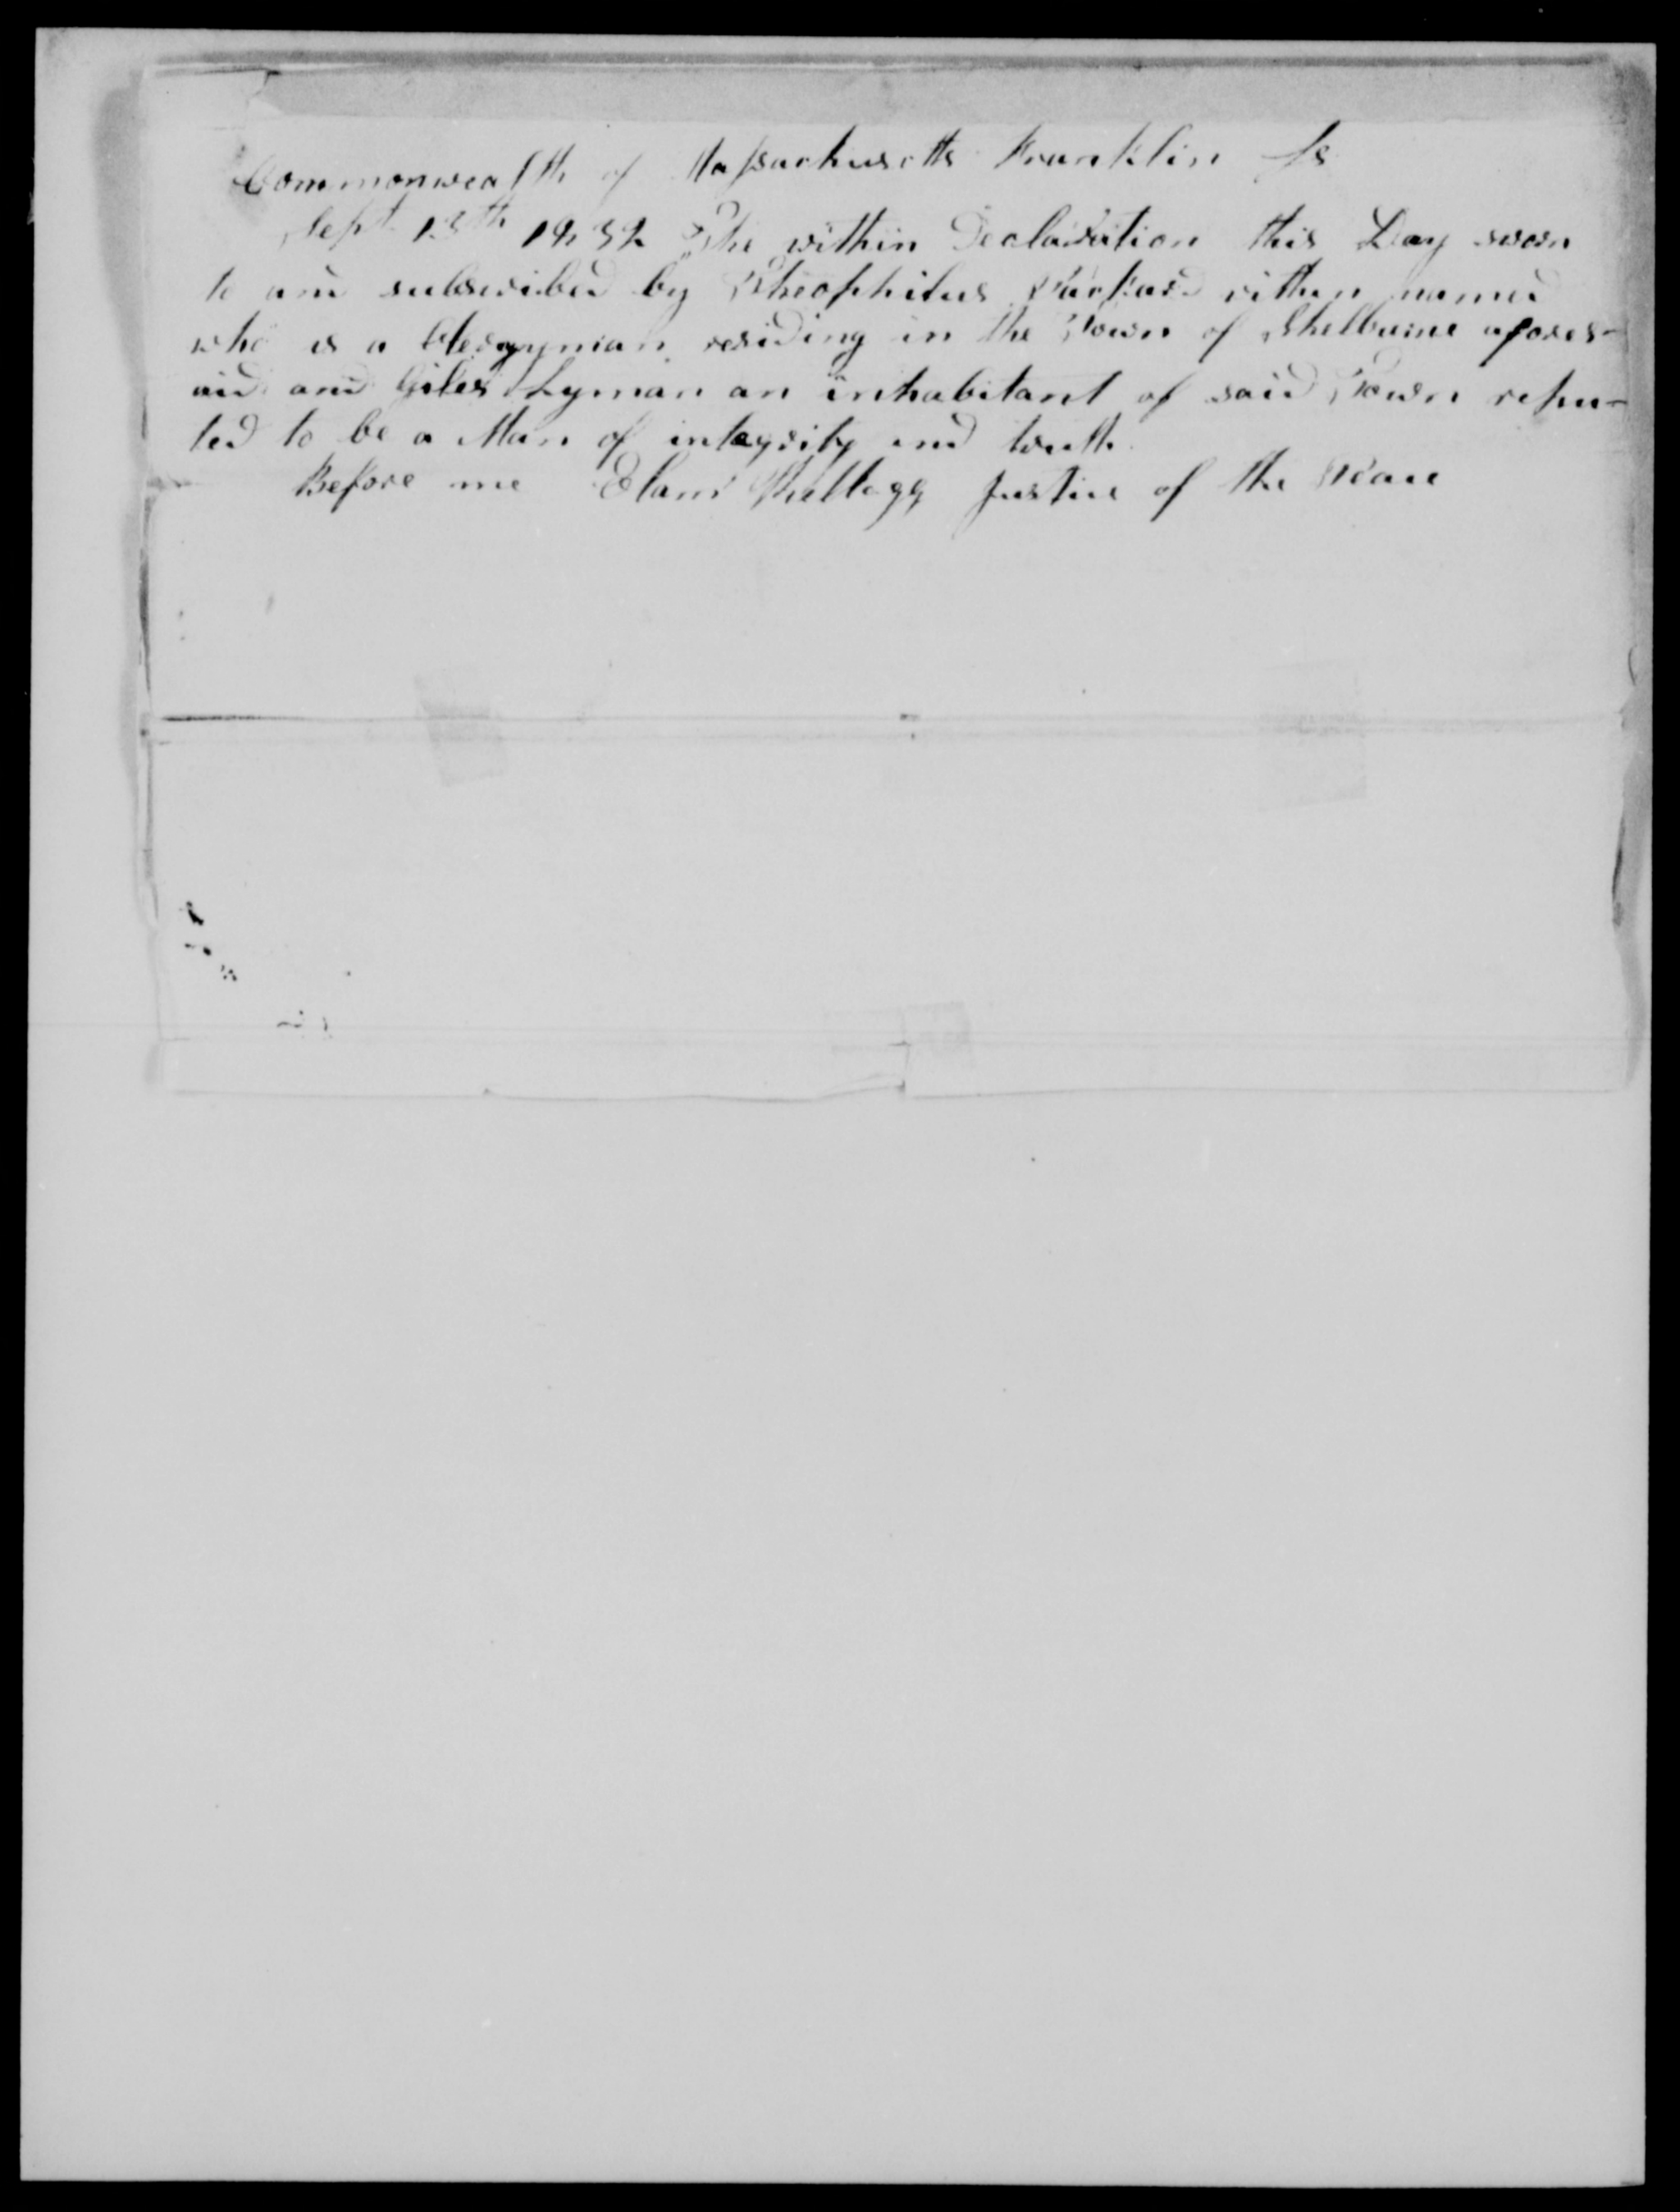Commonwealth of Massachusett Franklin Ss
Sept 13th 1832 the within declaration this day sworn to and subscribed by Theophilus Packard within named who is a Clergyman residing in the Town of Shelburne aforesaid and and Giles Lyman an inhabitant of said town is reputed to be a man of integrity and truth

Before me Elam Kelley Justice of the Peace -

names: Elam Kellogg; Giles Lyman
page: 18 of 18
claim: survivor's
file: S. 18,605, for Samuel Smead, Massachusetts